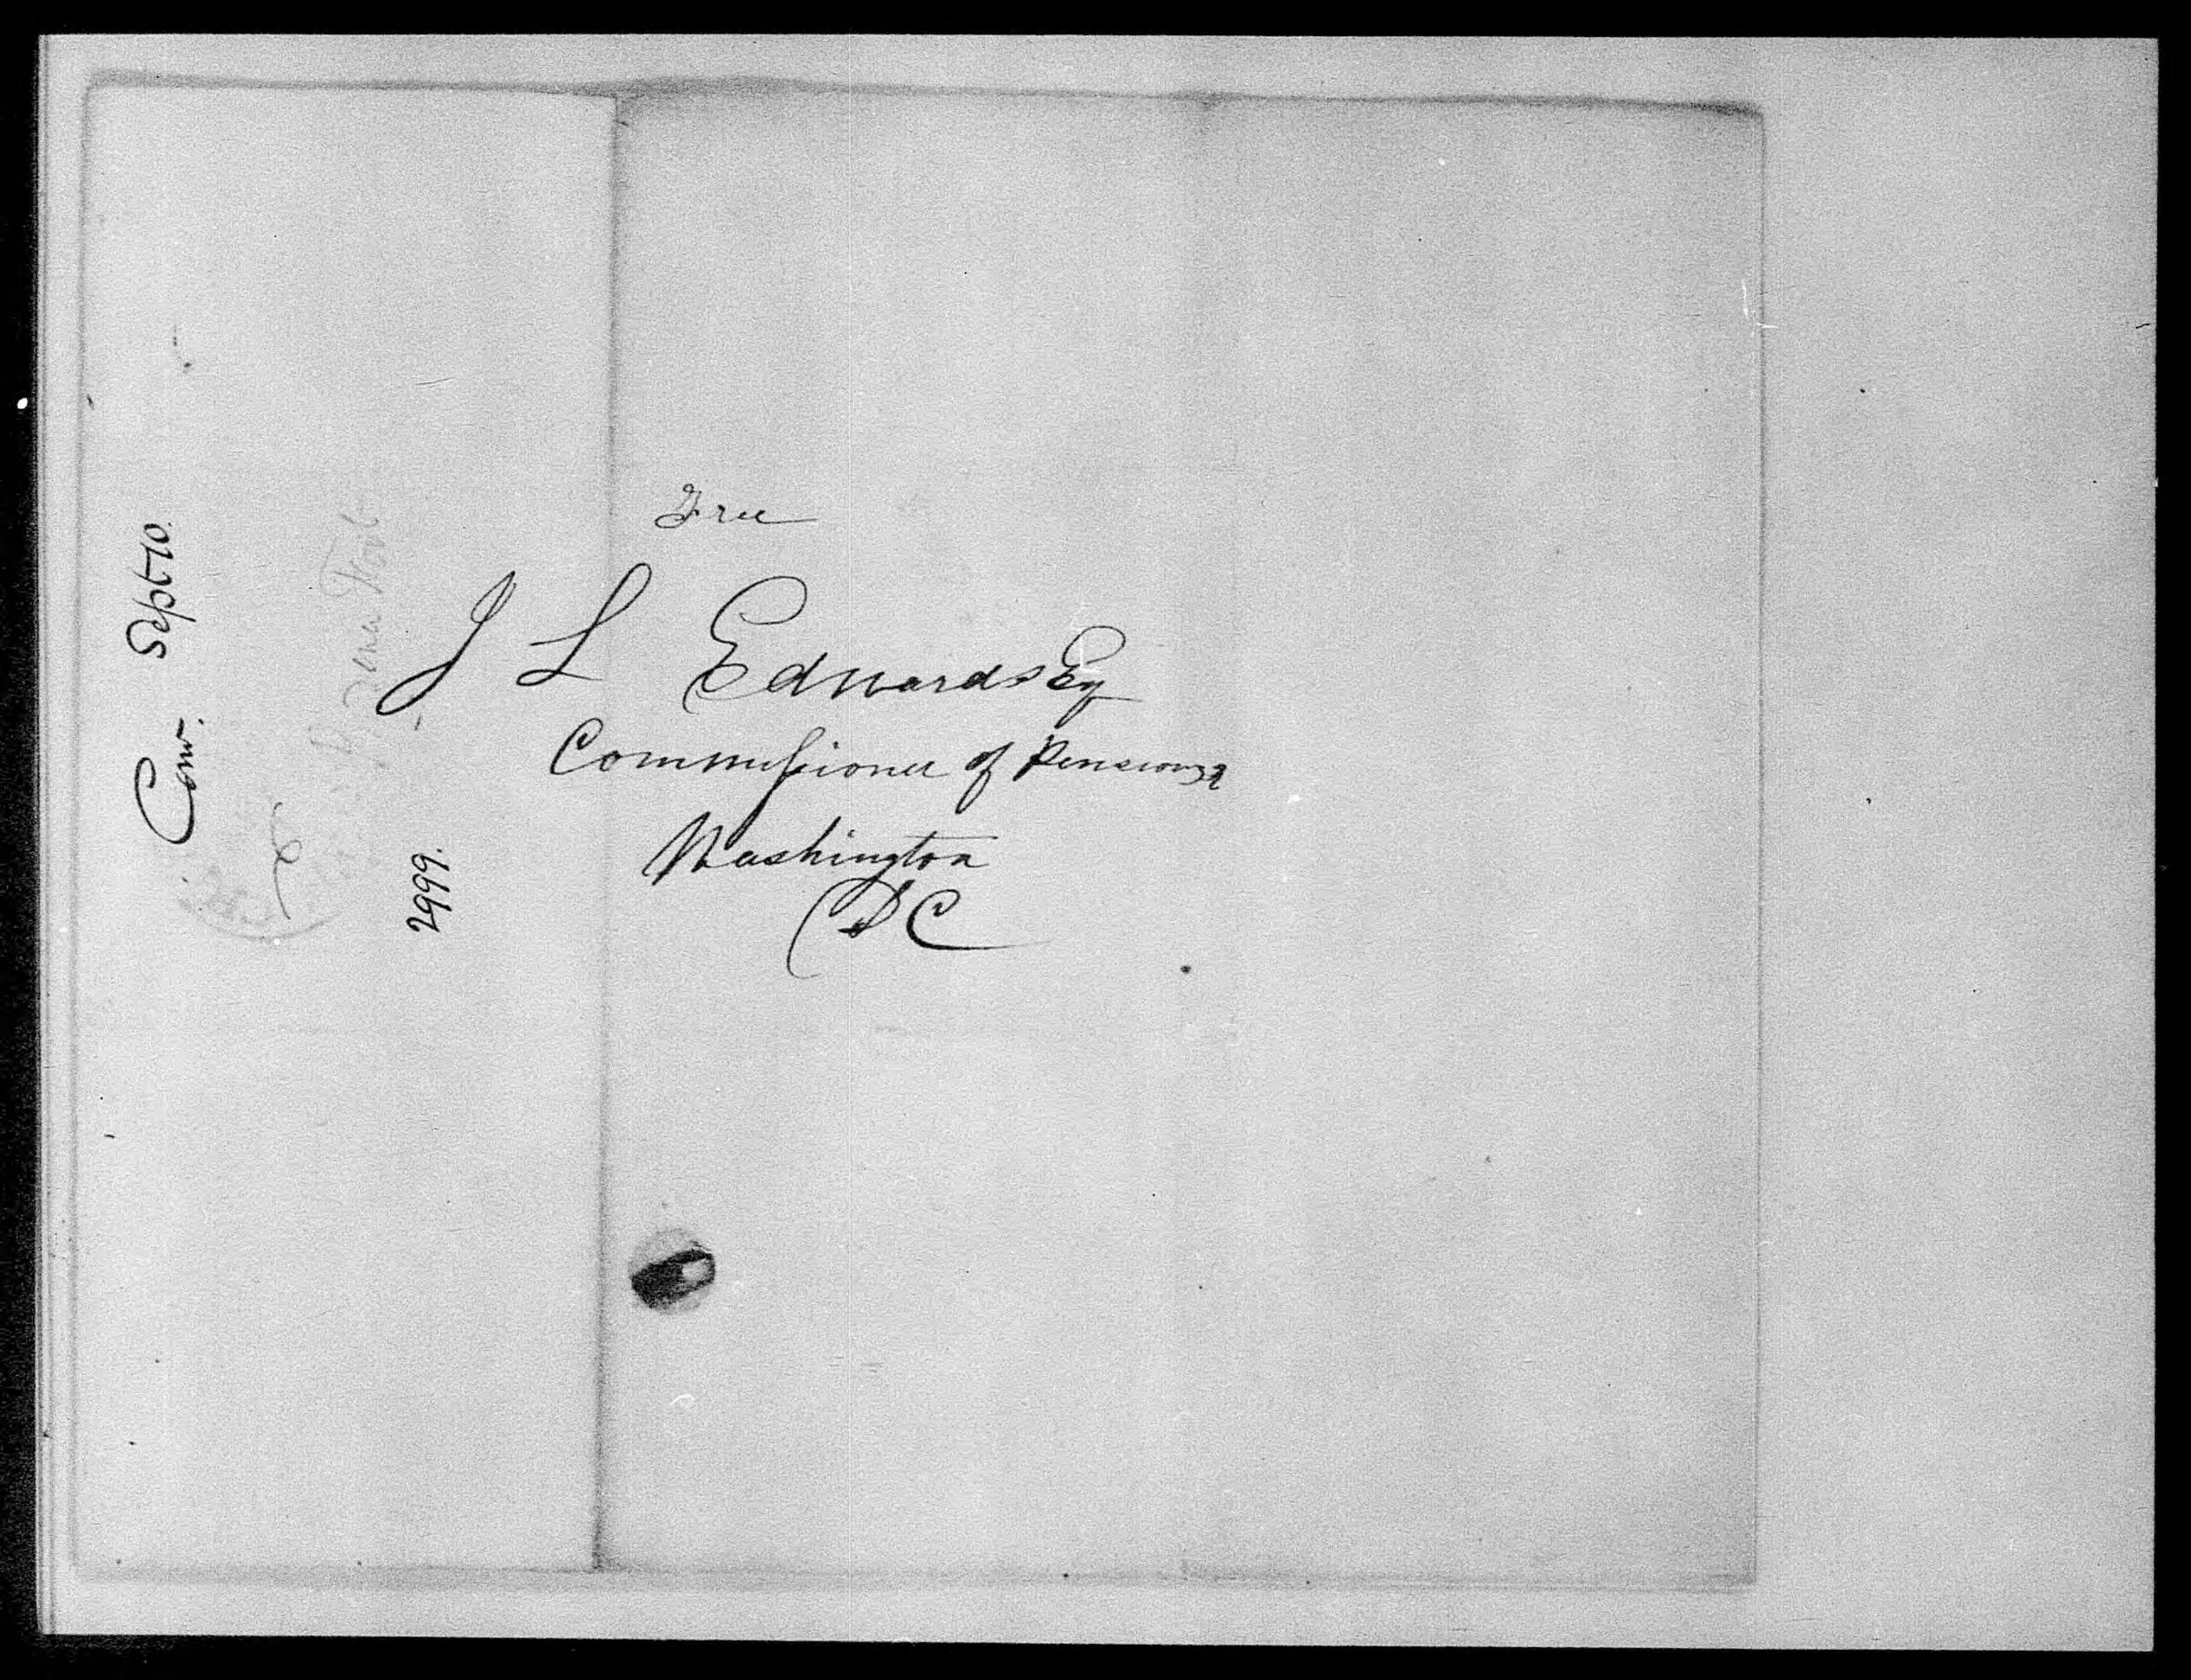Free

J L Edwards
Washington DC

Sept 10.Conn.
Prudence Foot
2999.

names: J L Edwards; Prudence Foot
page: 34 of 60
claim: widow's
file: W. 14,036, for James Knowles, Connecticut